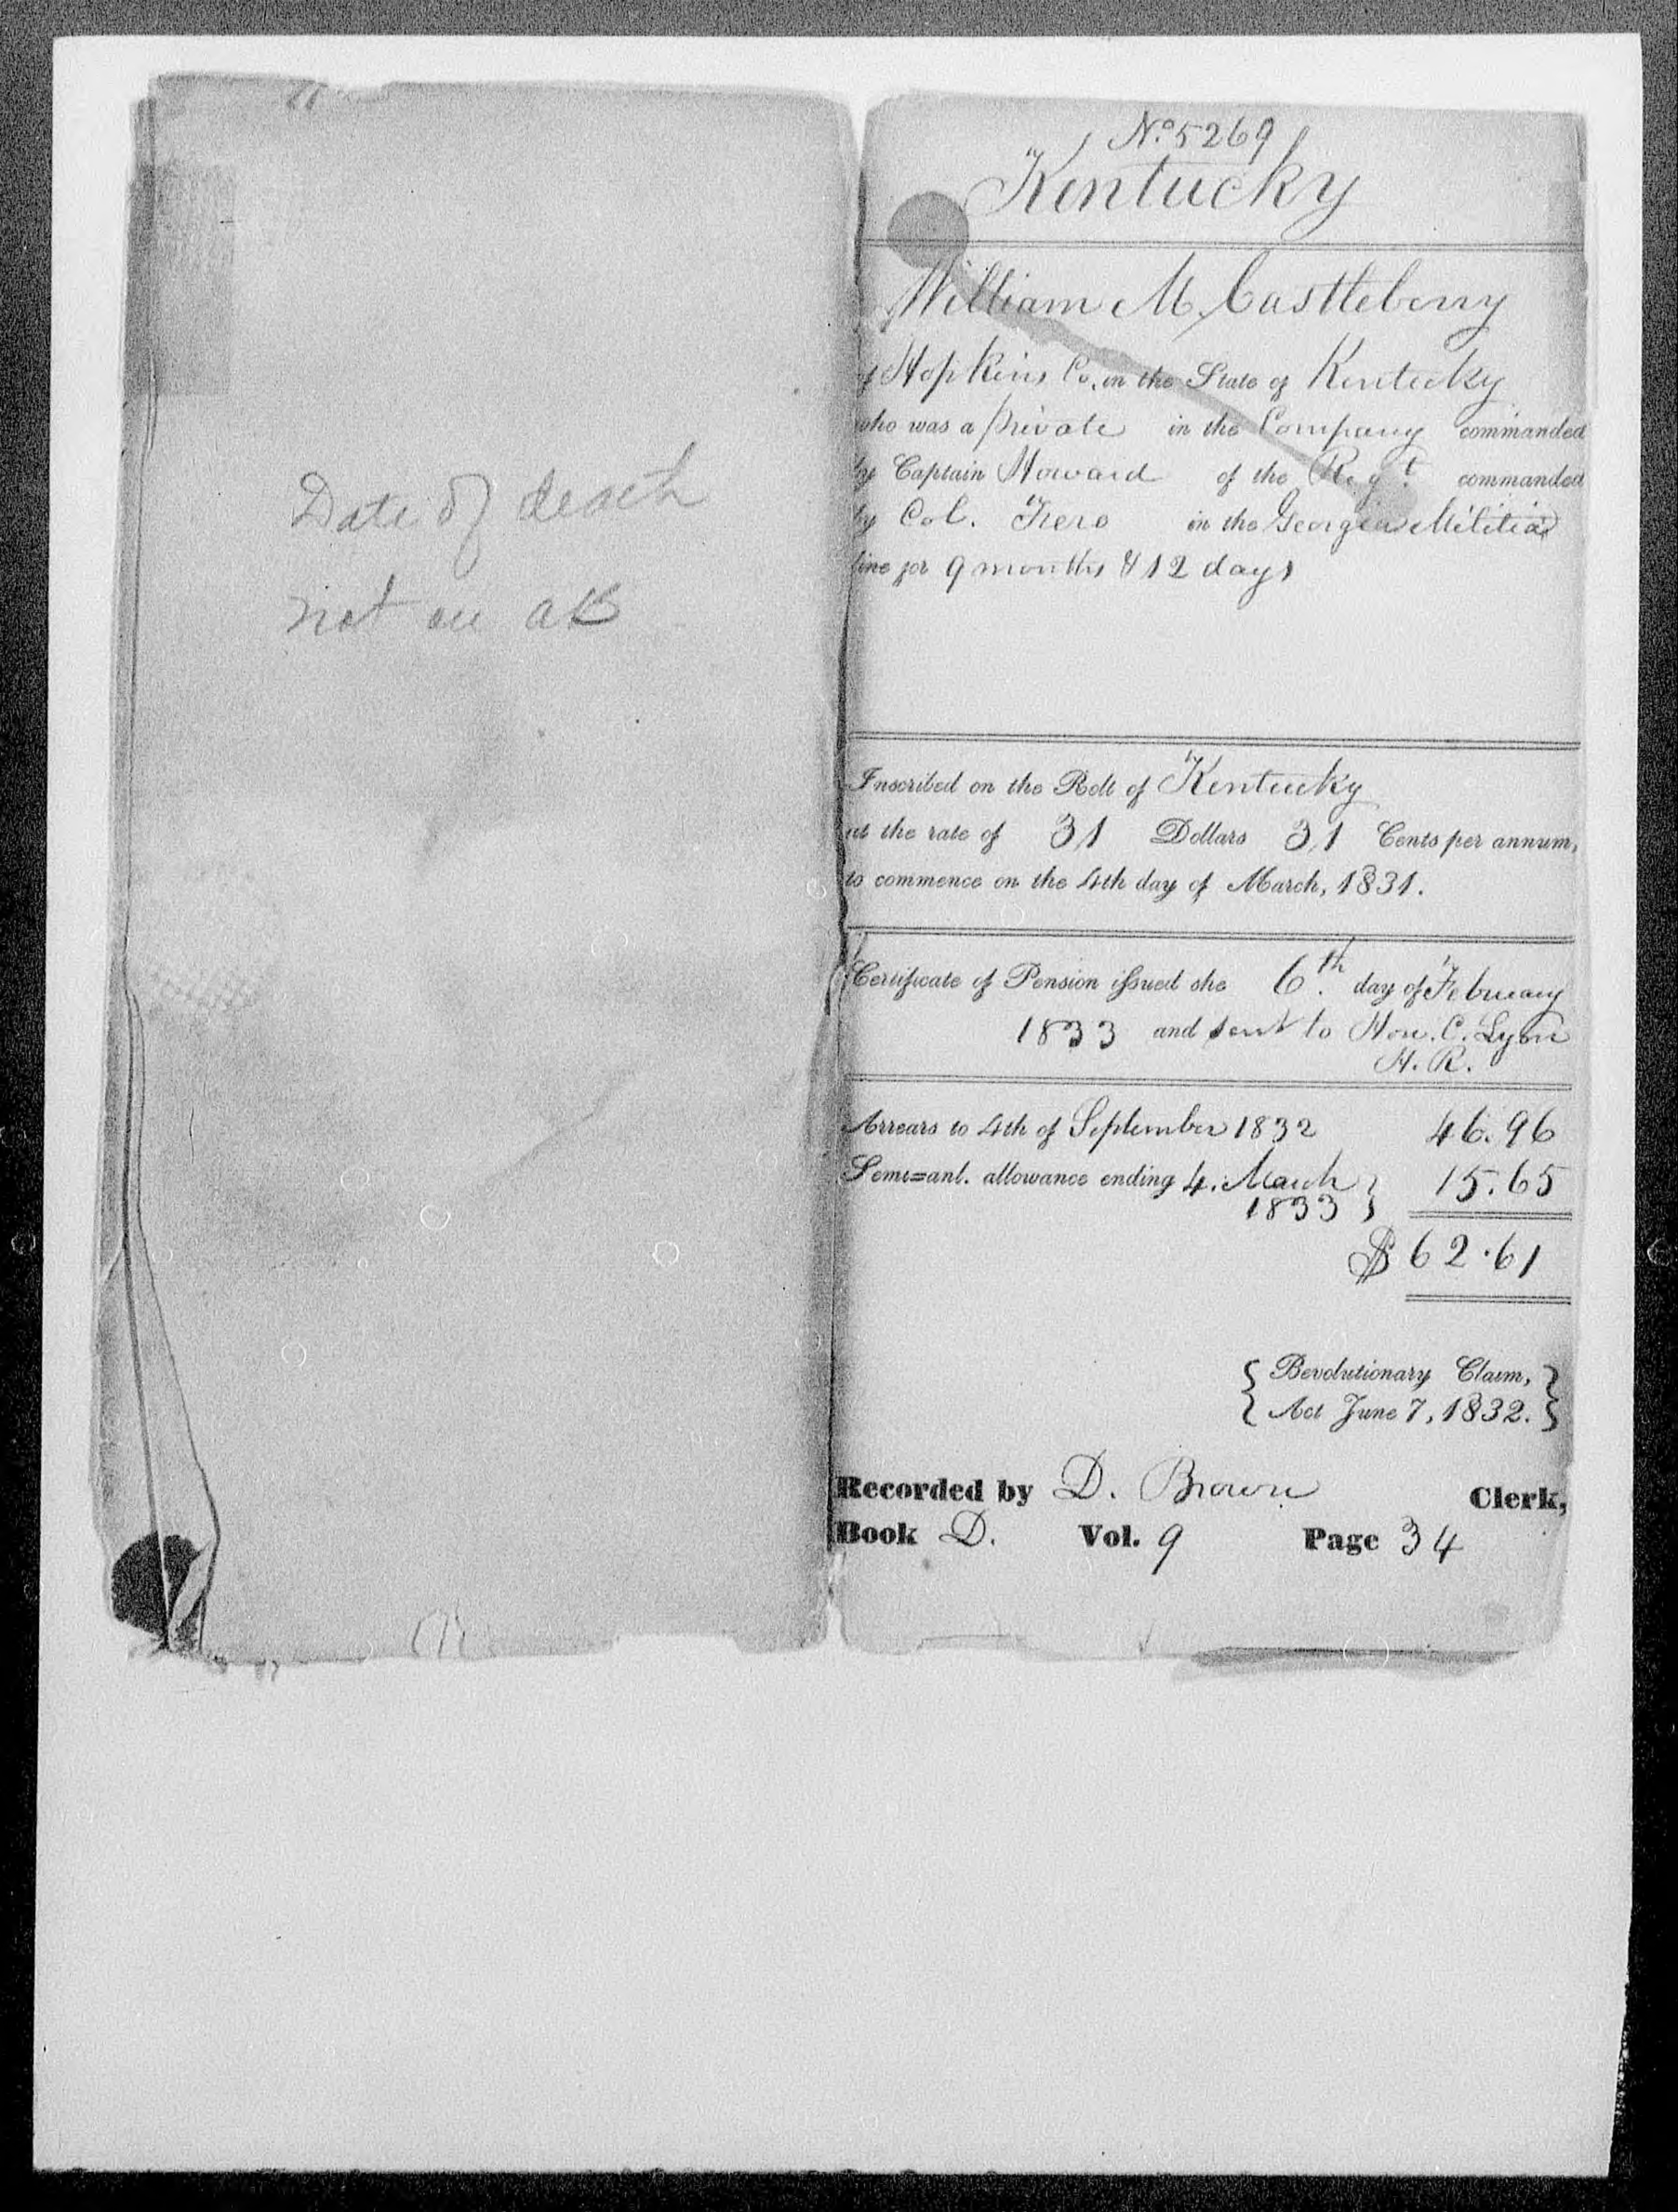No. 5269
Kentucky
William M. Castleberry
of Hopkins Co. in the State of Kentucky who was a private in the Company commanded by Captain Howard of the Regt. commanded by Col. Frero in the Georgia Militia [illegible] for 9 months 712? days
-------
Inscribed on the Roll of Kentucky at the rate of 31 Dollars 31 Cents per annum to commence on the 4th day of March, 1831.
-------
Certificate of Pension issued the 6th day of February 1833 and sent to Hon. C. Lyon H.R.
--------
Arrears to 4th of September 1832 46.96
Semi anl. allowance ending 4. March 1833 } 15.65
$62.61

-------

Opposite page
Date of death
Not on aB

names: Howard, William M Castleberry, Fero, D Brown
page: 2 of 20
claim: survivor's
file: S. 16,337, William M Castleberry, Ga.